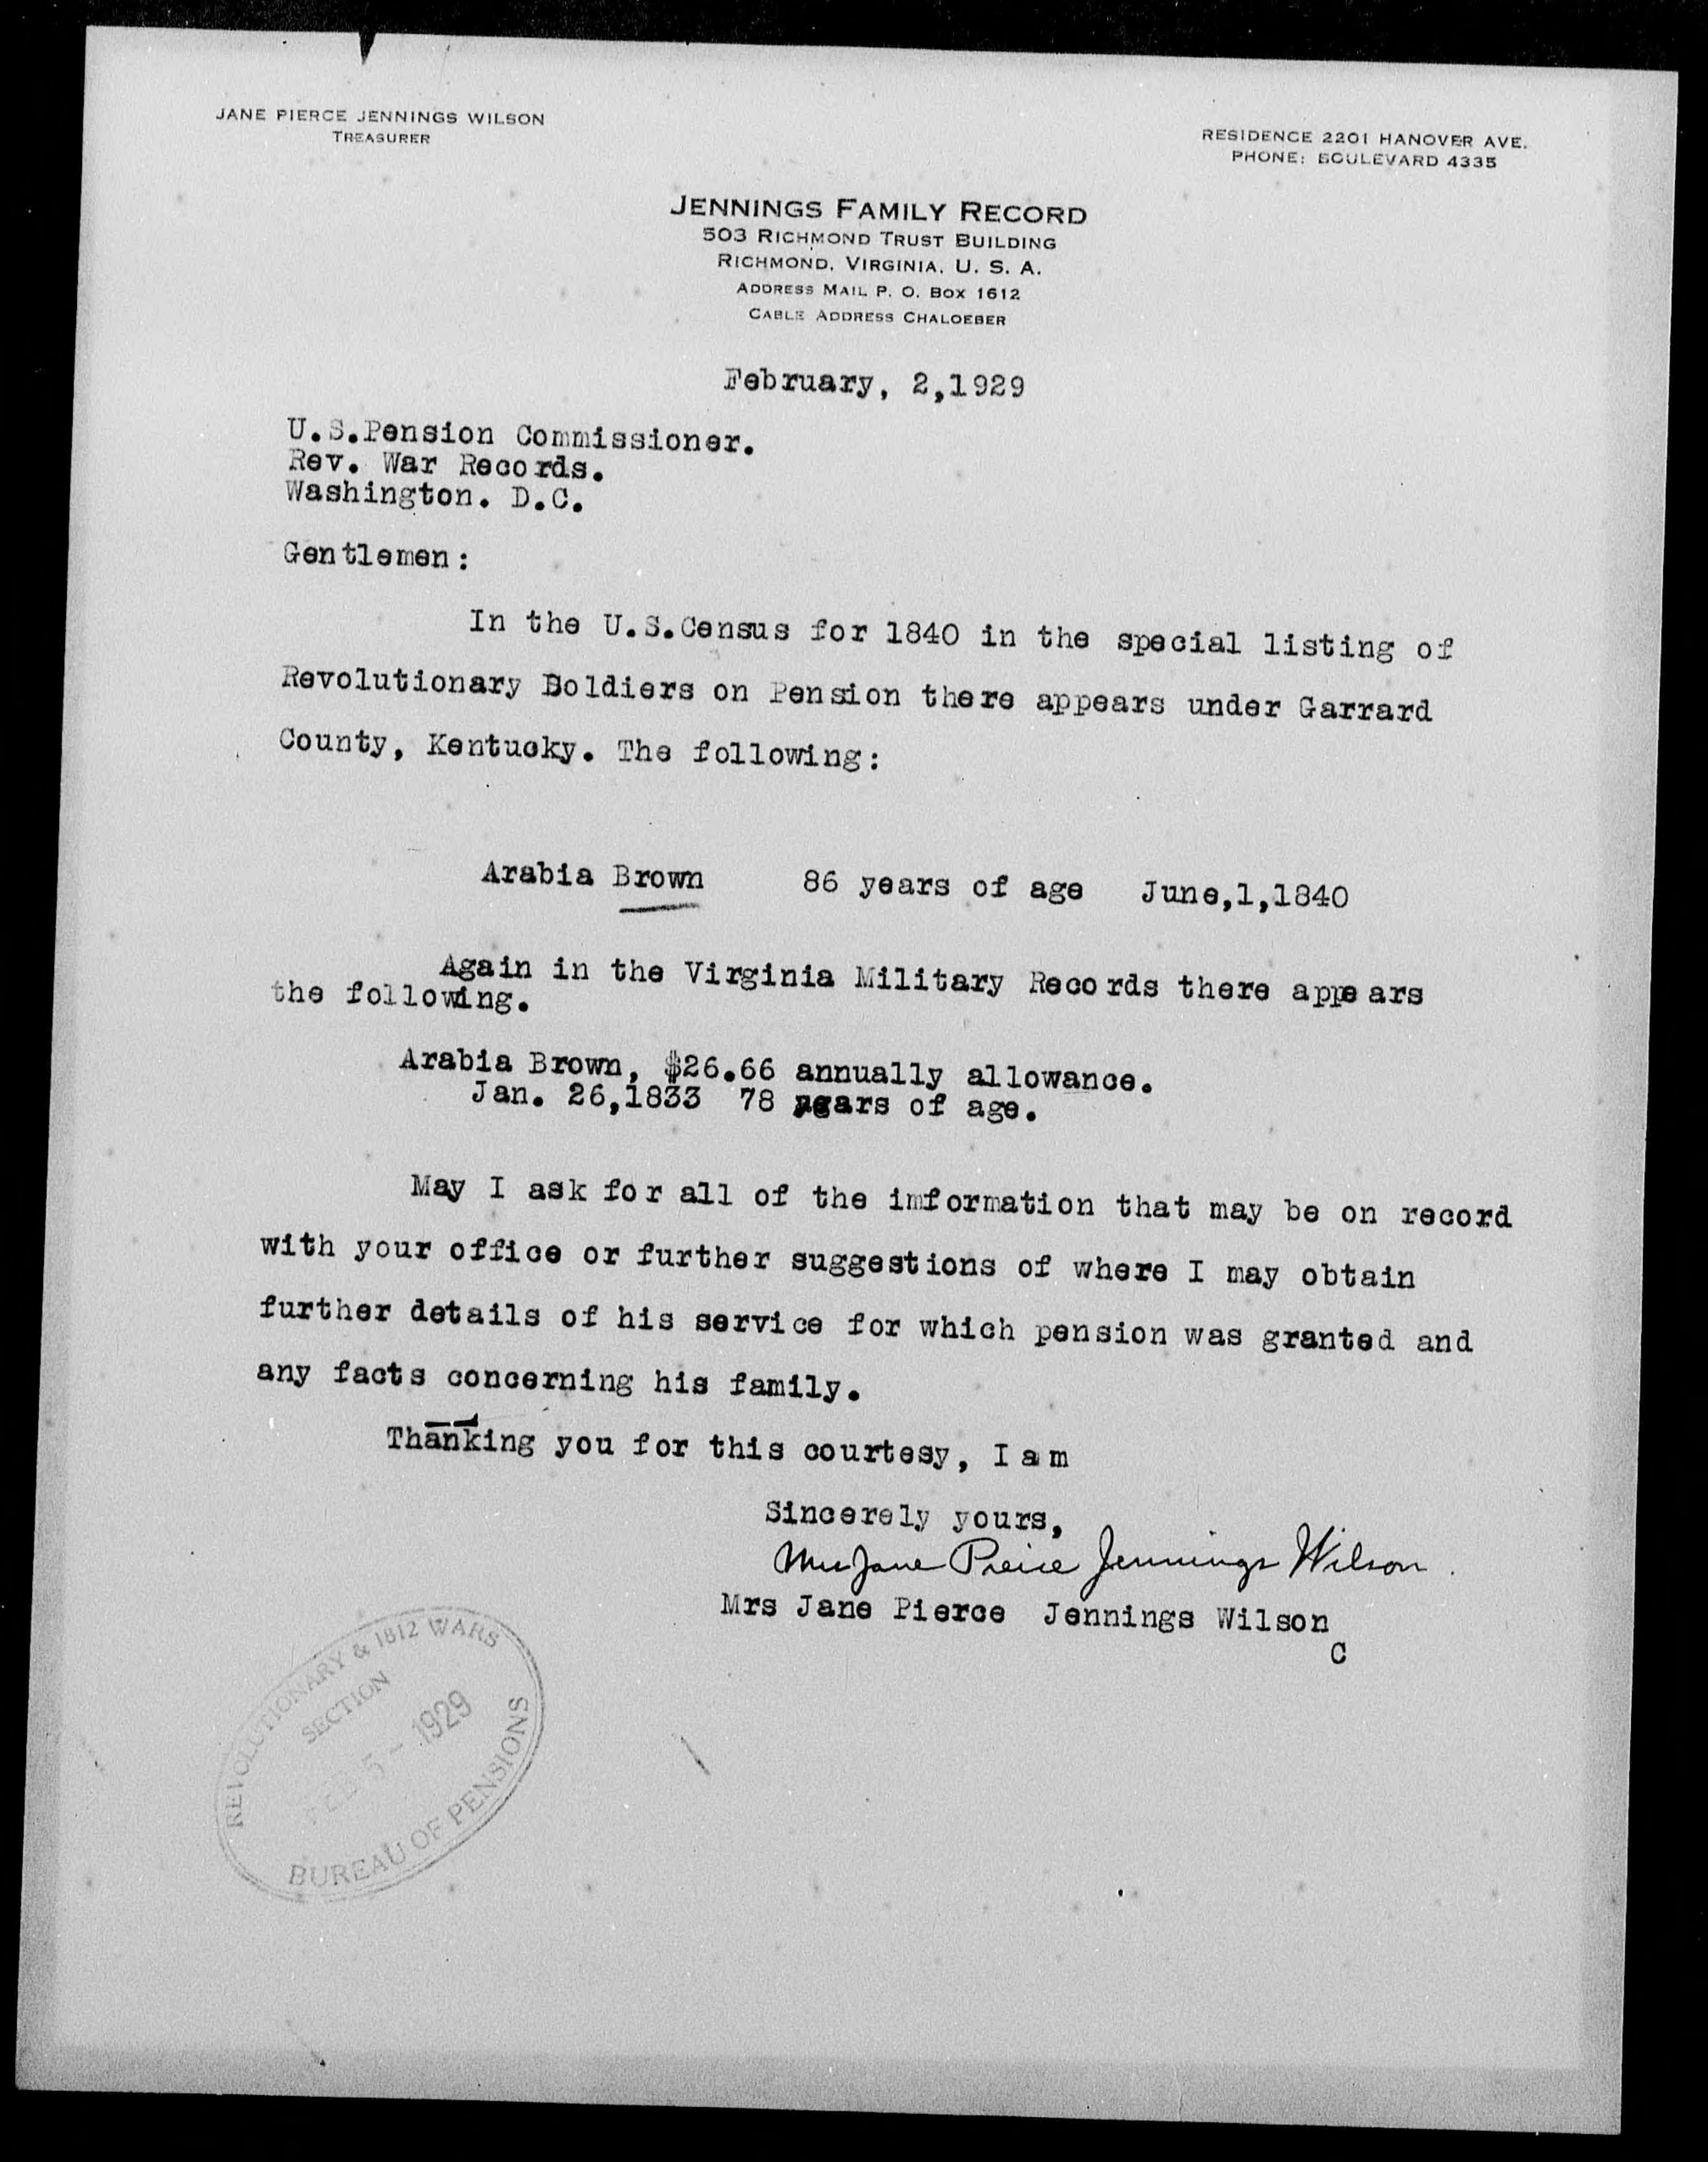Jane Pierce Jennings Wilson
Treasurer

Residence 2201 Hanover Ave.
Phone:  Boulevard 4335

Jennings Family Record
503 Richmond Trust Building
Richmond, Virginia, U.S.A,
Address Mail P.O. Box 1612
Cable Address Chaloeber

February, 2, 1929

U.S. Pension Commissioner.
Rev. War Records.
Washington. D.C.

Gentlemen:

In the U.S. Census for 1840 in the special listing of
Revolutionary Soldiers on Pension there appears under Garrard
County, Kentucky.  The following:

Arabia Brown 86 years of age June, 1, 1840

Again in the Virginia Military Records there appears
the following.

Arabia Brown, $26.66 annual allowance.
Jan. 26, 1833 78 years of age.

May I ask for all of the information that may be on record
with your office or further suggestions of where I may obtain
further details of his service for which pension was granted and 
any facts concerning his family.

Thanking you for this courtesy, I am

Sincerely yours,
Mrs Jane Pierce Jennings Wilson
C

STAMP:  REVOLUTIONARY & 1812 WARS
SECTION
FEB 5-1929
BUREAU OF PENSIONS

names: Jane Pierce Jennings Wilson, Jane Pierce Jennings Wilson, Arabia Brown, Jane Pierce Jennings Wilson, Arabia Brown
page: 26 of 65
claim: widow's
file: W. 8384, Arabia Brown, Va.